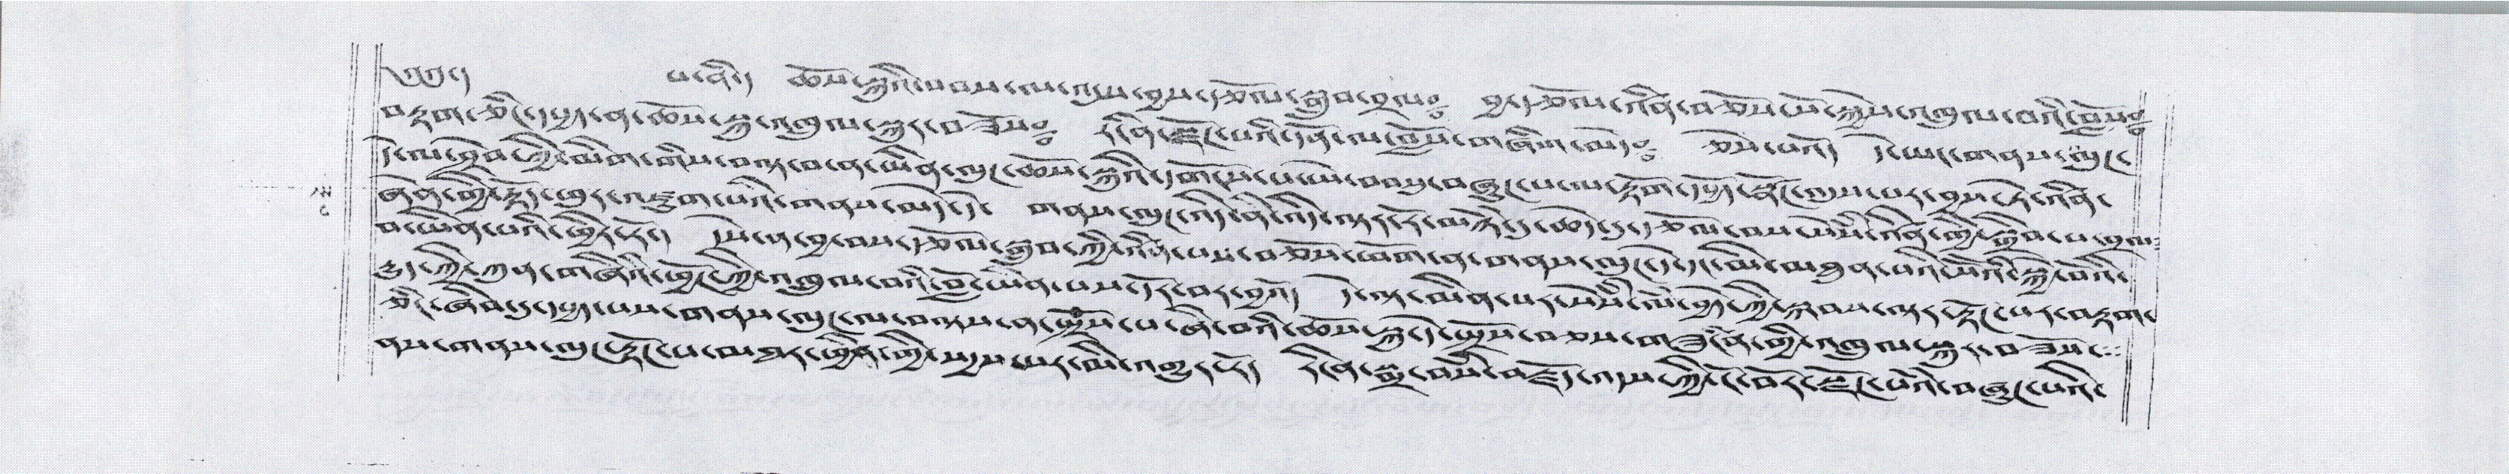པ་ནི། ཆོས་སྐུའི་བབས་ལ་འདུས་བྱས་རྩོལ་སྒྲུབ་བྲལཿ བྱ་རྩོལ་འཛིན་བཅོས་སོ་སྐྱེས་འཁྲུལ་པའི་བློསཿ 
བརྟག་ཅིང་དཔྱད་ན་ཆོས་སྐུ་འཁྲུལ་སྐུར་བཟོསཿ རང་བཞིན་རྫོགས་པའི་དོན་ལ་བློས་གཞིག་མེདཿ ཅེས་པའོ། དེ་ཡང་གནས་ལུགས་
དེ་ལ་ཤེས་རབ་ཀྱི་མིག་གིས་བལྟ་བ་ན་ཡིན་ལུགས་ཆོས་སྐུའི་དགོངས་པ་ཡེ་བབས་སུ་བཞུགས་པ་ལ་རྟོག་དཔྱོད་སྣ་ཚོགས་འདུས་པར་བྱས་ཏེ་འཛིན་
ཞེན་གྱི་རྟོད་ཕུར་འཛུགས་པའི་གནས་མེད་དེ། གནས་ལུགས་འདི་ནི་འདི་ལྟར་རོ་སྙམ་དུ་ཆེད་དུ་རྩོལ་བས་སེམས་འཛིན་གྱི་སྒྲིབ་པ་བྲལ་
བ་ཡིན་པའི་ཕྱིར་རོ། དེས་ན་བྱ་བས་རྩོལ་སྒྲུབ་ཀྱི་འཛིན་པས་བཅོས་ཕོག་ན་གནས་ལུགས་དེ་དང་མི་མཐུན་པའི་སོ་སོ་སྐྱེ་བོའི་
རྒྱུད་ཀྱི་ཀུན་གཞིའི་ཕྱོགས་ཀྱི་འཁྲུལ་པའི་བློ་ཡིན་པས་དོར་བར་བྱའོ། དེ་ལྟ་མིན་པར་སེམས་ལམ་བྱེད་ཀྱི་སྐབས་ལྟར་རྟོག་པར་བརྟག་
ཅིང་ཞིབ་ཏུ་དཔྱད་པས་གནས་ལུགས་ལ་བལྟས་ན་སྤྲོས་པ་ཞི་བའི་ཆོས་སྐུ་དེ་སྤྲོས་བཅས་གཟུང་འཛིན་གྱི་འཁྲུལ་སྐུར་བཟོས་
ནས་གནས་ལུགས་རྟོགས་པ་མཐར་ཕྱིན་གྱི་སངས་རྒྱས་པར་མི་འགྱུར་རོ། །རང་བཞིན་སྨྲ་བསམ་བརྗོད་འདས་ཀྱི་ངོ་བོར་རྫོགས་པའི་བཞུགས་པའི་